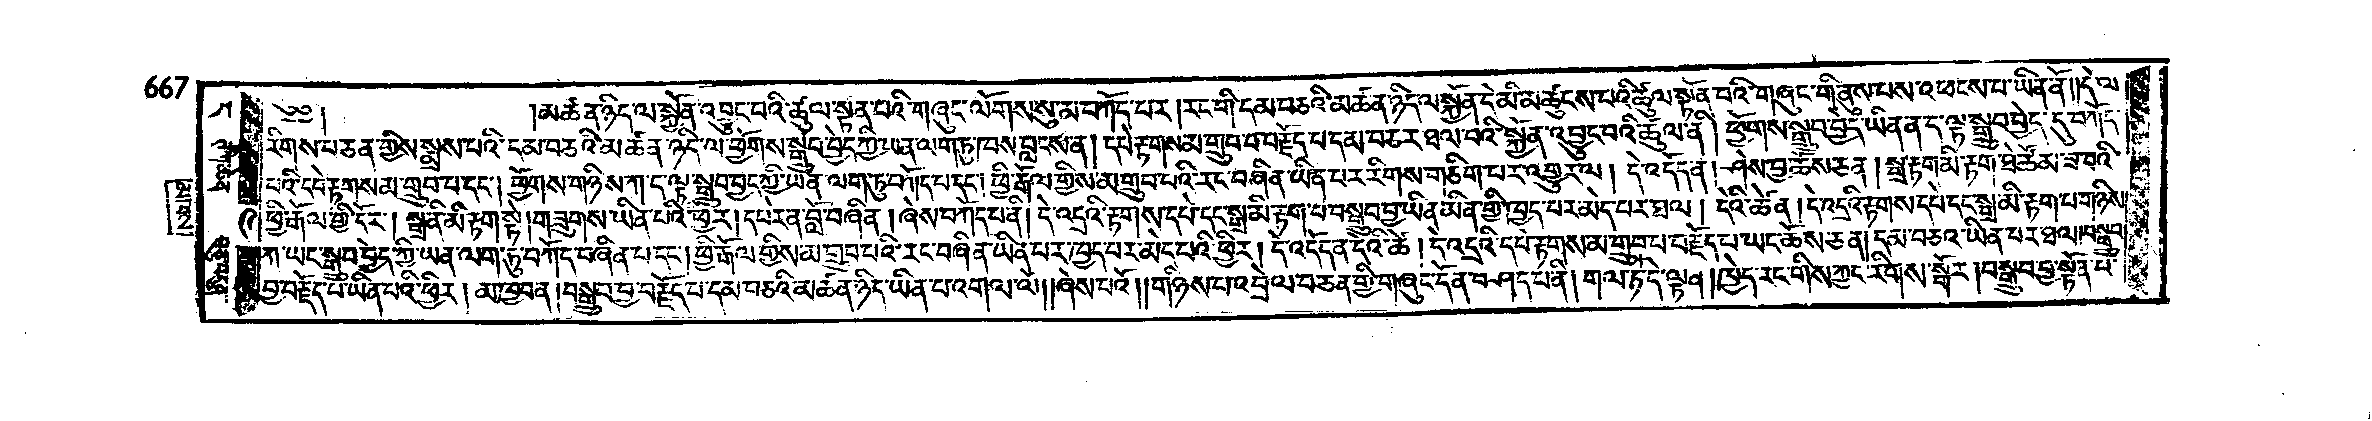༄༅། །མཚན་ཉིད་ལ་སྐྱོན་འབྱུང་བའི་ཚུལ་སྟོན་པའི་གཞུང་ལོགས་སུ་མ་བཀོད་པར། རང་གི་དམ་བཅའི་མཚན་ཉིད་ལ་སྐྱོན་དེ་མི་མཚུངས་པའི་ཚུལ་སྟོན་པའི་གཞུང་གི་ནུས་པས་འཕངས་པ་ཡིན་ནོ། །དེ་ལ་
རིགས་པ་ཅན་གྱིས་སྨྲས་པའི་དམ་བཅའི་མཚན་ཉིད་ལ་ཕྱོགས་སྒྲུབ་བྱེད་ཀྱི་ཡན་ལག་ཏུ་ཁས་བླངས་ན། དཔེ་རྟགས་མ་གྲུབ་པ་བརྗོད་པ་དམ་བཅར་ཐལ་བའི་སྐྱོན་འབྱུང་བའི་ཚུལ་ནི། ཕྱོགས་སྒྲུབ་བྱེད་ཡིན་ན་དེ་ལྟ་སྒྲུབ་བྱེད་དུ་བཀོད་
པའི་དཔེ་རྟགས་མ་གྲུབ་པ་དང་། ཕྱོགས་གཉིས་ཀ་ད་ལྟ་སྒྲུབ་བྱེད་ཀྱི་ཡན་ལག་ཏུ་བཀོད་པ་དང་། ཕྱི་རྒོལ་གྱིས་མ་གྲུབ་པའི་རང་བཞིན་ཡིན་པར་རིགས་གཅིག་པར་འགྱུར་ལ། དེ་འདོད་ན། ཤེས་བྱ་ཆོས་ཅན། སྒྲ་རྟག་མི་རྟག་ཐེ་ཚོམ་ཟ་བའི་
ཕྱི་རྒོལ་གྱི་ངོར། སྒྲ་ནི་མི་རྟག་སྟེ། གཟུགས་ཡིན་པའི་ཕྱིར། དཔེར་ན་བློ་བཞིན། ཞེས་བཀོད་པ་ནི། དེ་འདྲའི་རྟགས་དཔེ་དང་སྒྲ་མི་རྟག་པ་བསྒྲུབ་བྱ་ཡིན་མིན་གྱི་ཁྱད་པར་མེད་པར་ཐལ། དེའི་ཚེ་ན། དེ་འདྲའི་རྟགས་དཔེ་དང་སྒྲ་མི་རྟག་པ་གཉིས་
ཀ་ཡང་སྒྲུབ་བྱེད་ཀྱི་ཡན་ལག་ཏུ་བཀོད་བཞིན་པ་དང་། ཕྱི་རྒོལ་གྱིས་མ་གྲུབ་པའི་རང་བཞིན་ཡིན་པར་ཁྱད་པར་མེད་པའི་ཕྱིར། དེ་འདོད་ན་དེའི་ཚེ། དེ་འདྲའི་དཔེ་རྟགས་མ་གྲུབ་པ་བརྗོད་པ་ཡང་ཆོས་ཅན། དམ་བཅའ་ཡིན་པར་ཐལ། བསྒྲུབ་
བྱ་བརྗོད་པ་ཡིན་པའི་ཕྱིར། མ་ཁྱབ་ན། བསྒྲུབ་བྱ་བརྗོད་པ་དམ་བཅའི་མཚན་ཉིད་ཡིན་པ་འགལ་ལོ། །ཞེས་པའོ། །གཉིས་པ་འབྲེལ་བ་ཅན་གྱི་གཞུང་དོན་བཤད་པ་ནི། གལ་ཏེ་དེ་ལྟ་ན། ཁྱེད་རང་གིས་ཀྱང་རིགས་སྒོར། བསྒྲུབ་བྱ་སྟོན་པ་